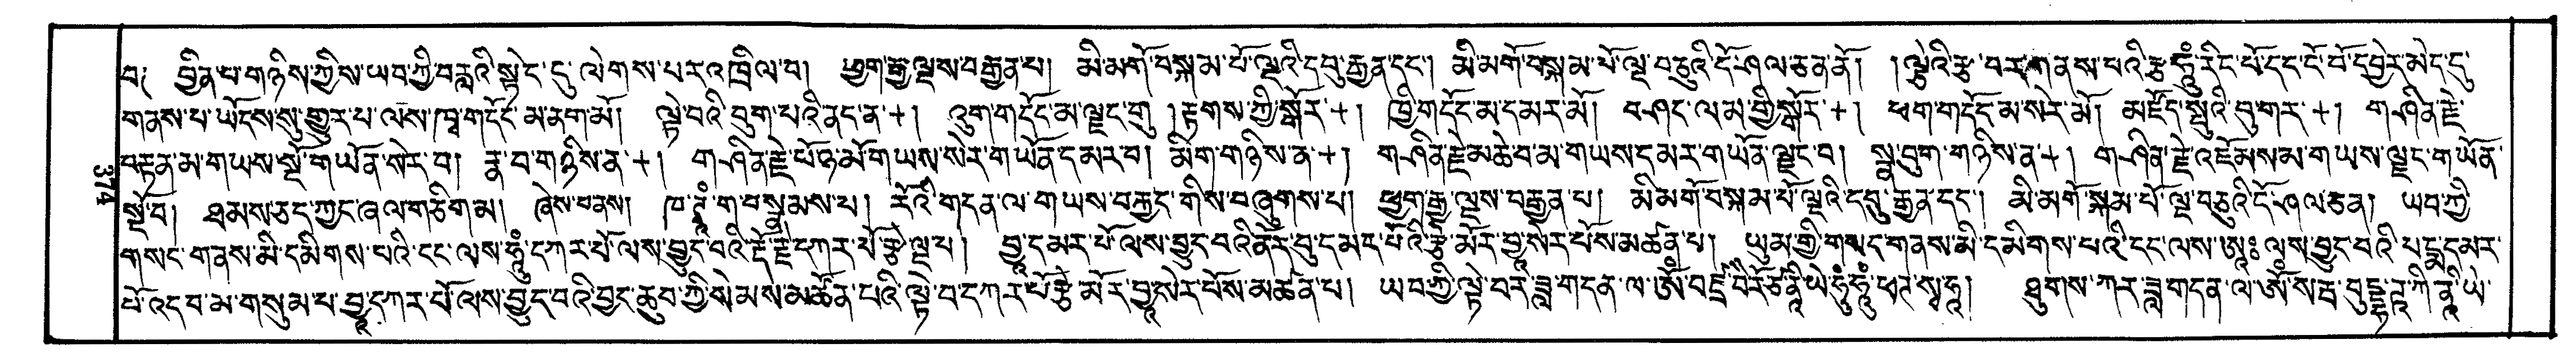བ༑ བྱིན་པ་གཉིས་ཀྱིས་ཡབ་ཀྱི་བརླའི་སྟེང་དུ་ལེགས་པར་འཁྲིལ་བ། ཕྱག་རྒྱ་ལྔས་བརྒྱན་པ། མི་མགོ་བསྐམ་པོ་ལྔའི་དབུ་རྒྱན་དང་། མི་མགོ་བསྐམ་བོ་ལྔ་བཅུའི་ངོ་ཤལ་ཅན་ནོ། །ལྕེའི་རྩ་བར་གནས་པའི་རྩ་ཧཱུཾ་རིང་པོ་དང་ངོ་བོ་དབྱེར་མེད་དུ་
གནས་པ་ཡོངས་སུ་གྱུར་པ་ལས་ཁྭ་གདོང་མ་ནག་མོ། ལྟེ་བའི་བུག་པའི་ནང་ན་+། འུག་གདོང་མ་ལྗང་གུ །རྟགས་ཀྱི་སྒོར་+། ཁྱི་གདོང་མ་དམར་མོ། བཤང་ལམ་གྱི་སྒོར་+། ཕག་གདོང་མ་སེར་མོ། མཛོད་སྤུའི་བུ་གར་+། གཤིན་རྗེ་
བརྟན་མ་གཡས་སྔོ་གཡོན་སེར་བ། རྣ་བ་གཉིས་ན་+། གཤིན་རྗེ་ཕོ་ཉ་མོ་གཡས་སེར་གཡོན་དམར་བ། མིག་གཉིས་ན་+། གཤིན་རྗེ་མཆེ་བ་མ་གཡས་དམར་གཡོན་ལྗང་བ། སྣ་བུག་གཉིས་ན་+། གཤིན་རྗེ་འཛོམས་མ་གཡས་ལྗང་གཡོན་
སྔོ་བ། ཐམས་ཅད་ཀྱང་ཞལ་གཅིག་མ། ཞེས་བ་ནས། ཁ་ཊྭཱཾ་ག་བསྣམས་པ། རོའི་གདན་ལ་གཡས་བརྐྱང་གིས་བཞུགས་པ། ཕྱག་རྒྱ་ལྔས་བརྒྱན་པ། མི་མགོ་བསྐམ་པོ་ལྔའི་དབུ་རྒྱན་དང་། མི་མགོ་སྐམ་པོ་ལྔ་བཅུའི་དོ་ཤལ་ཅན། ཡབ་ཀྱི་
གསང་གནས་མི་དམིགས་པའི་ངང་ལས་ཧཱུཾ་དཀར་པོ་ལས་བྱུང་བའི་རྡོ་རྗེ་དཀར་པོ་རྩེ་ལྔ་པ། བྱཱ་དམར་པོ་ལས་བྱུང་བའི་ནོར་བུ་དམར་པོའི་རྩེ་མོར་བྱ་སེར་པོས་མཚན་པ། ཡུམ་གྱི་གསང་གནས་མི་དམིགས་པའི་ངང་ལས་ཨཱཿ ལས་བྱུང་བའི་པདམ་དམར་
པོ་འདབ་མ་གསུམ་པ་དྱ་དཀར་པོ་ལས་བྱུང་བའི་བྱང་ཆུབ་ཀྱི་སེམས་མཚོན་པའི་ལྟེ་བ་དཀར་བོ་རྩེ་མོར་དྱཱ་སེར་བོས་མཚན་པ། ཡབ་ཀྱི་ལྟེ་བར་ཟླ་གདན་ལ་ཨོཾ་བཛྲ་བཻ་རོ་ཙ་ནཱི་ཡེ་ཧུཾ་ཧཱུཾ་ཕཊ་སྭཱ་ཧཱ། ཐུགས་ཀར་ཟླ་གདན་ལ་ཨོཾ་སརྦ་བུདྡྷ་ཌཱ་ཀི་ནཱི་ཡེ་